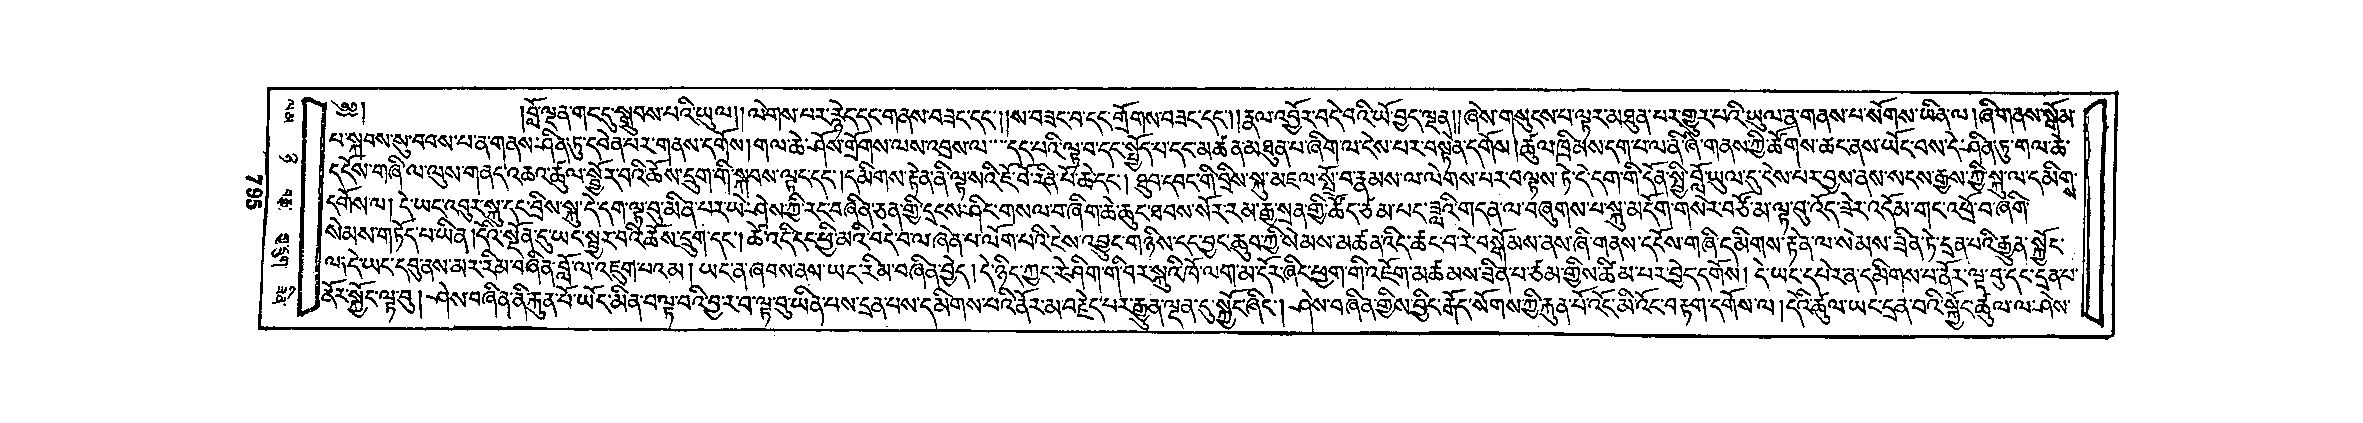༄༅། །བློ་ལྡན་གང་དུ་སྒྲུབས་པའི་ཡུལ། །ལེགས་པར་རྙེད་དང་གནས་བཟང་དང་། །ས་བཟང་བ་དང་གྲོགས་བཟང་དང་། །རྣལ་འབྱོར་བདེ་བའི་ཡོ་བྱད་ལྡན། །ཞེས་གསུངས་པ་ལྟར་མཐུན་པར་གྱུར་པའི་ཡུལ་ན་གནས་པ་སོགས་ཡིན་ལ། ཞི་གནས་སྒོམ་
པ་སྐབས་སུ་བབས་པ་ན་གནས་ཤིན་ཏུ་དབེན་པར་གནས་དགོས། གལ་ཆེ་ཤོས་གྲོགས་ལས་འབྲས་ལ་དད་པའི་ལྟ་བ་དང་སྤྱོད་པ་དང་མཚན་མཐུན་པ་ཞིག་ལ་ངེས་པར་བསྟེན་དགོས། ཚུལ་ཁྲིམས་དག་པ་ལ་ནི་ཞི་གནས་ཀྱི་ཚོགས་ཆང་ནས་ཡོང་བས་དེ་ཤིན་ཏུ་གལ་ཆེ་
དངོས་གཞི་ལ་ལུས་གནད་འཆའ་ཚུལ་སྦྱོར་བའི་ཆོས་དྲུག་གི་སྐབས་ལྟང་དང་། དམིགས་རྟེན་ནི་ལྟ་སའི་ཇོ་བོ་རིན་པོ་ཆེ་དང་། ཐུབ་དབང་གི་བྲིས་སྐུ་མཇལ་སྤྲོ་བ་རྣམས་ལ་ལེགས་པར་བལྟས་ཏེ་དེ་དག་གི་དོན་སྤྱི་བློ་ཡུལ་དུ་ངེས་པར་བྱས་ནས་སངས་རྒྱས་ཀྱི་སྐུ་ལ་དམིགས་
དགོས་ལ། དེ་ཡང་འབུར་སྐུ་དང་བྲིས་སྐུ་དེ་དག་ལྟ་བུ་མིན་པར་ཡེ་ཤེས་ཀྱི་རང་བཞིན་ཅན་གྱི་དྲངས་ཤིང་གསལ་བ་ཞིག་ཆེ་ཆུང་ཐབས་སོར་རམ་རྒྱ་སྲན་གྱི་ཚོད་ཙམ་པད་ཟླའི་གདན་ལ་བཞུགས་པ་སྐུ་མདོག་གསེར་བཙོ་མ་ལྟ་བུ་འོད་ཟེར་འདོམ་གང་འཕྲོ་བ་ཞིག་
སེམས་གཏོད་པ་ཡིན། དེའི་སྔོན་དུ་ཡང་སྦྱར་བའི་ཆོས་དྲུག་དང་། ཚེ་འདི་དང་ཕྱི་མའི་བདེ་བ་ལ་ཞེན་པ་ལོག་པའི་ངེས་འབྱུང་གཉིས་དང་བྱང་ཆུབ་ཀྱི་སེམས་མཚན་འདི་ཚང་བ་རེ་བསྒོམས་ནས་ཞི་གནས་དངོས་གཞི་དམིགས་རྟེན་ལ་སེམས་ཟིན་ཏེ་དྲན་པའི་རྒྱུན་སྐྱོང་
ལ། དེ་ཡང་དབུ་ནས་མར་རིམ་བཞིན་བློ་ལ་འཇུག་པའམ། ཡང་ན་ཞབས་ནས་ཡང་རིམ་བཞིན་བྱེད། དེ་ཉིད་ཀྱང་རེ་ཤིག་གི་བར་སྐུའི་ཁོ་ལག་མ་དོར་ཞིང་ཕྱག་གི་འཇོག་མཚམས་ཟིན་པ་ཙམ་གྱིས་ཚིམ་པར་བྱེད་དགོས། དེ་ཡང་དཔེར་ན་དམིགས་པ་ནོར་ལྟ་བུ་དང་དྲན་པ་
ནོར་སྐྱོང་ལྟ་བུ། ཤེས་བཞིན་ནི་རྐུན་པོ་ཡོང་མིན་བལྟ་བའི་བྱ་ར་བ་ལྟ་བུ་ཡིན་པས་དྲན་པས་དམིགས་པའི་ནོར་མ་བརྗེད་པར་རྒྱུན་ལྡན་དུ་སྐྱོང་ཞིང་། ཤེས་བཞིན་གྱིས་བྱིང་རྒོད་སོགས་ཀྱི་རྐུན་པོ་འོང་མི་འོང་བརྟག་དགོས་ལ། དེའི་ཚུལ་ཡང་དྲན་པའི་སྐྱོང་ཚུལ་ལ་ཤེས་